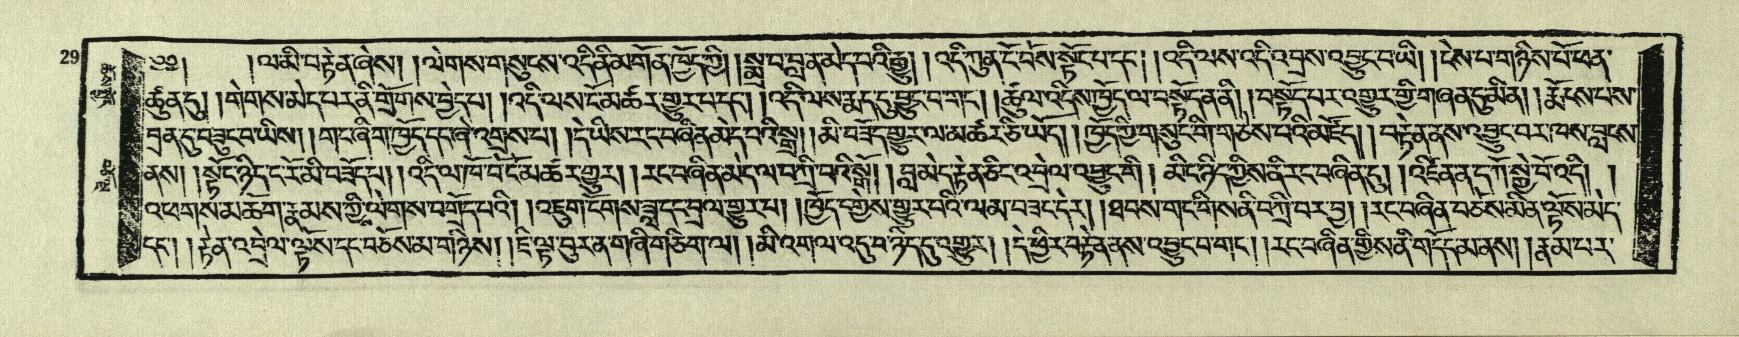༄༅། །ལ་མི་བརྟེན་ཞེས། །ལེགས་གསུངས་འདི་ནི་མགོན་ཁྱོད་ཀྱི། །སྨྲ་བ་བླ་ན་མེད་པའི་རྒྱུ། །འདི་ཀུན་ངོ་བོས་སྟོང་པ་དང་། །འདི་ལས་འདི་འབྲས་འབྱུང་བ་ཡི། །ངེས་པ་གཉིས་པོ་ཕན་
ཚུན་དུ། །གེགས་མེད་པར་ནི་གྲོགས་བྱེད་པ། །འདི་ལས་ངོ་མཚར་གྱུར་པ་དང་། །འདི་ལས་རྨད་དུ་བྱུང་བ་གང་། །ཚུལ་འདིས་ཁྱོད་ལ་བསྟོད་ན་ནི། །བསྟོད་པར་འགྱུར་གྱི་གཞན་དུ་མིན། །རྨོངས་པས་
བྲན་དུ་བཟུང་བ་ཡིས། །གང་ཞིག་ཁྱོད་དང་ཞེ་འགྲས་པ། །དེ་ཡིས་རང་བཞིན་མེད་པའི་སྒྲ། །མི་བཟོད་གྱུར་ལ་མཚར་ཅི་ཡོད། །ཁྱོད་ཀྱི་གསུང་གི་གཅེས་པའི་མཛོད། །བརྟེན་ནས་འབྱུང་བར་ཁས་བླངས་
ནས། །སྟོང་ཉིད་ང་རོ་མི་བཟོད་པ། །འདི་ལ་ཁོ་བོ་ངོ་མཚར་གྱུར། །རང་བཞིན་མེད་ལ་བཀྲི་བའི་སྒོ། །བླ་མེད་རྟེན་ཅིང་འབྲེལ་འབྱུང་གི །མིང་ཉིད་ཀྱིས་ནི་རང་བཞིན་དུ། །འཛིན་ན་ད་ཀོ་སྐྱེ་བོ་འདི། །
འཕགས་མཆོག་རྣམས་ཀྱི་ལེགས་བགྲོད་པའི། །འཇུག་ངོགས་ཟླ་དང་བྲལ་གྱུར་པ། །ཁྱོད་དགྱེས་གྱུར་བའི་ལམ་བཟང་དེར། །ཐབས་གང་གིས་ནི་བཀྲི་བར་བྱ། །རང་བཞིན་བཅེས་མིན་ལྟོས་མེད་
དང་། །རྟེན་འབྲེལ་ལྟོས་དང་བཅོས་མ་གཉིས། །ཇི་ལྟ་བུར་ན་གཞི་གཅིག་ལ། །མི་འགལ་འདུ་བ་ཉིད་དུ་འགྱུར། །དེ་ཕྱིར་བརྟེན་ནས་འབྱུང་བ་གང་། །རང་བཞིན་གྱིས་ནི་གདོད་མ་ནས། །རྣམ་པར་